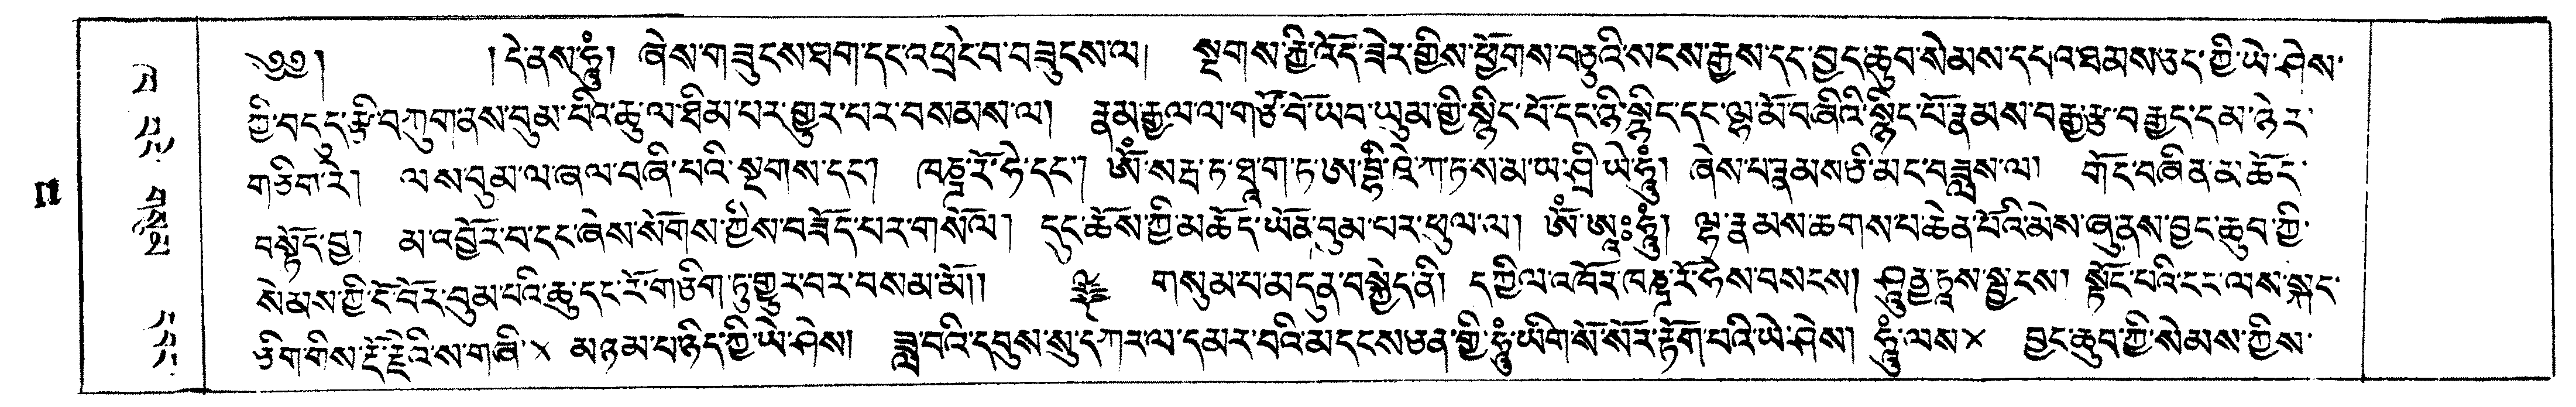༄༅། །དེ་ནས་ཧཱུཾ། ཞེས་གཟུངས་ཐག་དང་འཕྲེང་བ་བཟུངས་ལ། སྔགས་རྐྱི་འོད་ཟེར་གྱིས་ཕྱོགས་བཅུའི་སངས་རྒྱས་དང་བྱང་ཆུབ་སེམས་དཔའ་ཐམས་ཅད་ཀྱི་ཡེ་ཤེས་
ཀྱི་བདུད་རྩི་བཀུག་ནས་བུམ་པའི་ཆུ་ལ་ཐིམ་པར་གྱུར་པར་བསམས་ལ། རྣམ་རྒྱལ་ལ་གཙོ་བོ་ཡབ་ཡུམ་གྱི་སྙིང་པོ་དང་ཉི་སྙིང་དང་ལྷ་མོ་བཞིའི་སྙིང་པོ་རྣམས་བརྒྱ་རྩ་བརྒྱད་དམ་ཉེར་
གཅིག་རེ། ལས་བུམ་ལ་ཞལ་བཞི་པའི་སྔགས་དང་། ཁཎྜ་རོ་ཧེ་ཡེ་ཧཱུཾ། ཞེས་པ་རྣམས་ཅི་མང་བཟླས་ལ། གོང་བཞིན་མཆོད་ཡེ་ཧཱུཾ། ཞེས་པ་རྣམས་ཅི་མང་བཟླས་ལ། གོང་བཞིན་མཆོད་
བསྟོད་བྱ། མ་འབྱོར་བ་དང་ཞེས་སོགས་ཀྱིས་བཟོད་པར་གསོལ། དུང་ཆོས་ཀྱི་མཆོད་ཡོན་བུམ་པར་ཕུལ་ལ། ཨོཾ་ཨཱཿ ཧཱུཾ། ལྷ་རྣམས་ཆགས་པ་ཆེན་པོའི་མེས་ཞུ་ནས་བྱང་ཆུབ་ཀྱི་
སེམས་ཀྱི་ངོ་བོར་བུམ་པའི་ཆུ་དང་རོ་གཅིག་ཏུ་གྱུར་བར་བསམ་མོ།། ༈ གསུམ་པ་མདུན་བསྐྱེད་ནི། དཀྱིལ་འཁོར་ཁཎྜ་རོ་ཧེས་བསངས། ཤཱུནྱ་ཏཱས་སྦྱངས། སྟོང་པའི་ངང་ལས་སྐང་
ཅིག་གིས་རྡོ་རྗེའི་ས་གཞི་྾་མཉམ་པ་ཉིད་ཀྱི་ཡེ་ཤེས། ཟླ་བའི་དབུས་སུ་དཀར་ལ་དམར་བའི་མདངས་ཅན་གྱི་ཧཱུཾ་ཡིག་སོ་སོར་རྟོག་པའི་ཡེ་ཤེས། ཧཱུཾ་ལས྾་བྱང་ཆུབ་ཀྱི་སེམས་ཀྱིས་